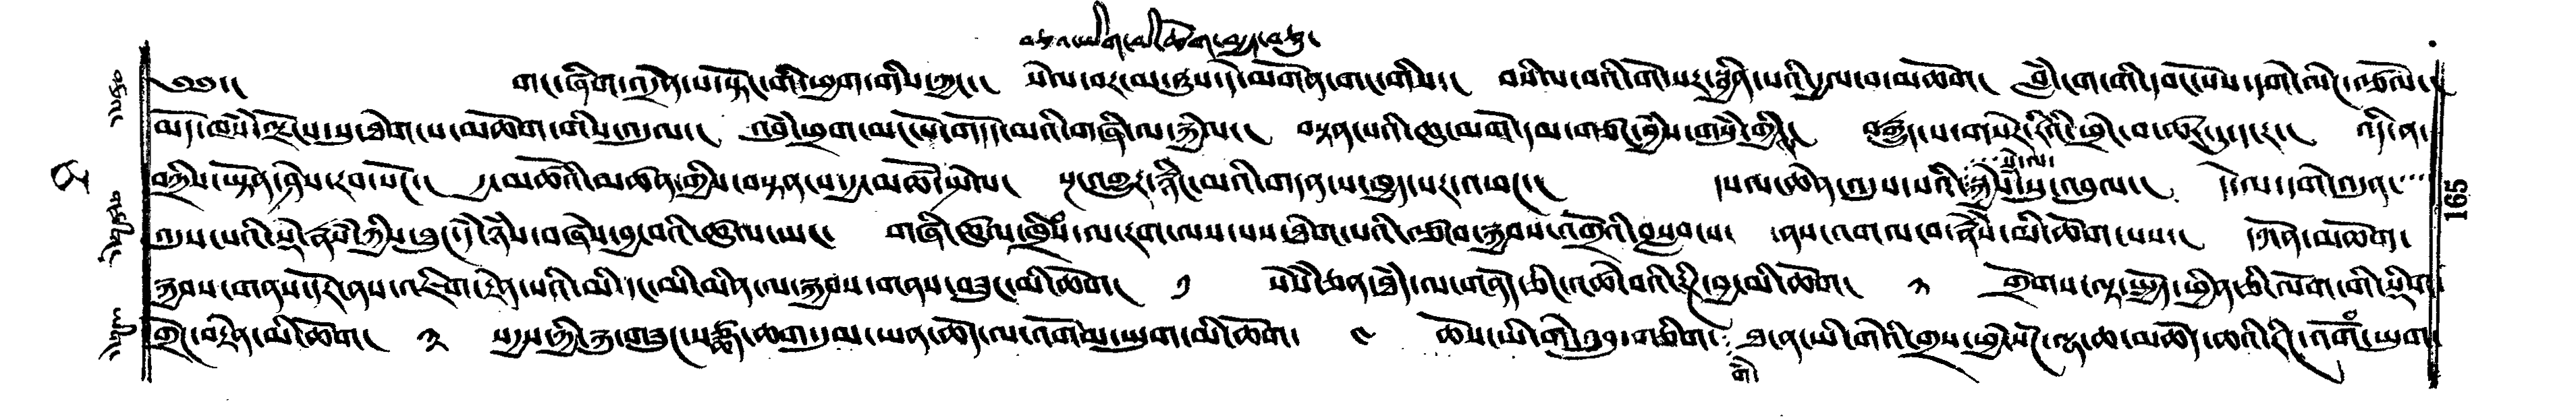༄༅། བཅའ་ཡིག་མི་ཆོག་བརྒྱད་བཅུ། གང་ཞིག་འདྲེན་པ་སྟོང་གི་ཕྱག་གིས་ཀྱང་། །སེལ་བར་མ་ནུས་པ་དེ་མགོན་གང་གིས། །བསིལ་བའི་གེ་སར་སྦྱིན་པའི་རྒྱལ་བ་མཆོག །བླ་མ་ངག་གི་དབང་པོས་དགེ་ལེགས་སྩོལ། །
མདོ་ཁམས་ལྗོངས་སུ་ཐེག་པ་མཆོག་གིས་འདུལ། །འབུམ་ཕྲག་མང་པོ་གདོད་མའི་གཞི་ལ་བསྐྱེལ། །བསྟན་པའི་ཆུ་མགོ་དམ་གཙང་བྱམས་གསུམ་གྱིས། །བརྒྱུད་པ་གསེར་རིའི་ཕྲེང་བ་ཚར་དུ་དངར། །འདི་ན་
བཀྲ་ཤིས་ཡོན་ཏན་ཤེས་རབ་སོགས། །རྒྱ་མཚོའི་མཚན་གྱིས་བསྟན་པ་རྒྱ་མཚོ་སྤེལ། །སྔ་འགྱུར་རྙིང་མའི་གདན་ས་ཁྱད་པར་འཕགས། །དཔལ་ཆེན་འདུས་པའི་སྡེ་ལ་སྐྱེས་སུ་འབུལ། །དེ་ལ་དགེ་འདུན་
འདུས་པའི་སྡེ་རྣམས་ཀྱིས། །ཐུགས་དམ་ཉམས་བཞེས་བྱ་བའི་ཚུལ་ཡང་། གཞི་ཚུལ་ཁྲིམས་ལ་རག་ལས་པས་ཐེག་པའི་རྩ་བ་སྐྱབས་འགྲོའི་བསླབ་པ་ནས་འགལ་བ་རྣམས་མི་ཆོག་པས། དཀོན་མཆོག་
སྐྱབས་གནས་དོར་ནས་འཇིག་རྟེན་པའི་མི་དང་མི་མིན་ལ་སྐྱབས་གནས་གཟུང་མི་ཆོག ༡ སེམས་ཅན་ཐམས་ཅད་ལ་གནོད་ཅིང་འཚེ་བའི་རིགས་བྱ་མི་ཆོག ༢ གྲོགས་ལྟ་སྤྱོད་ཕྱིན་ཅི་ལོག་གི་སྡིག་
གྲོགས་བསྟེན་མི་ཆོག ༣ སངས་རྒྱས་ཀྱི་སྐུ་གཟུགས་སཙྪ་ཆག་དུམ་ཡན་ཆོད་ལ་འགོམ་ཡུག་མི་ཆོག ༤ ཆོས་ཡི་གེ་འབྲུ་གཅིག་གམ་ཐ་ན་ཡི་གེའི་གྲས་ཕྱེ་སོགས་ལྷ་ཆ་མཆོད་ཆའི་རིགས་འགོམ་ཡུག་